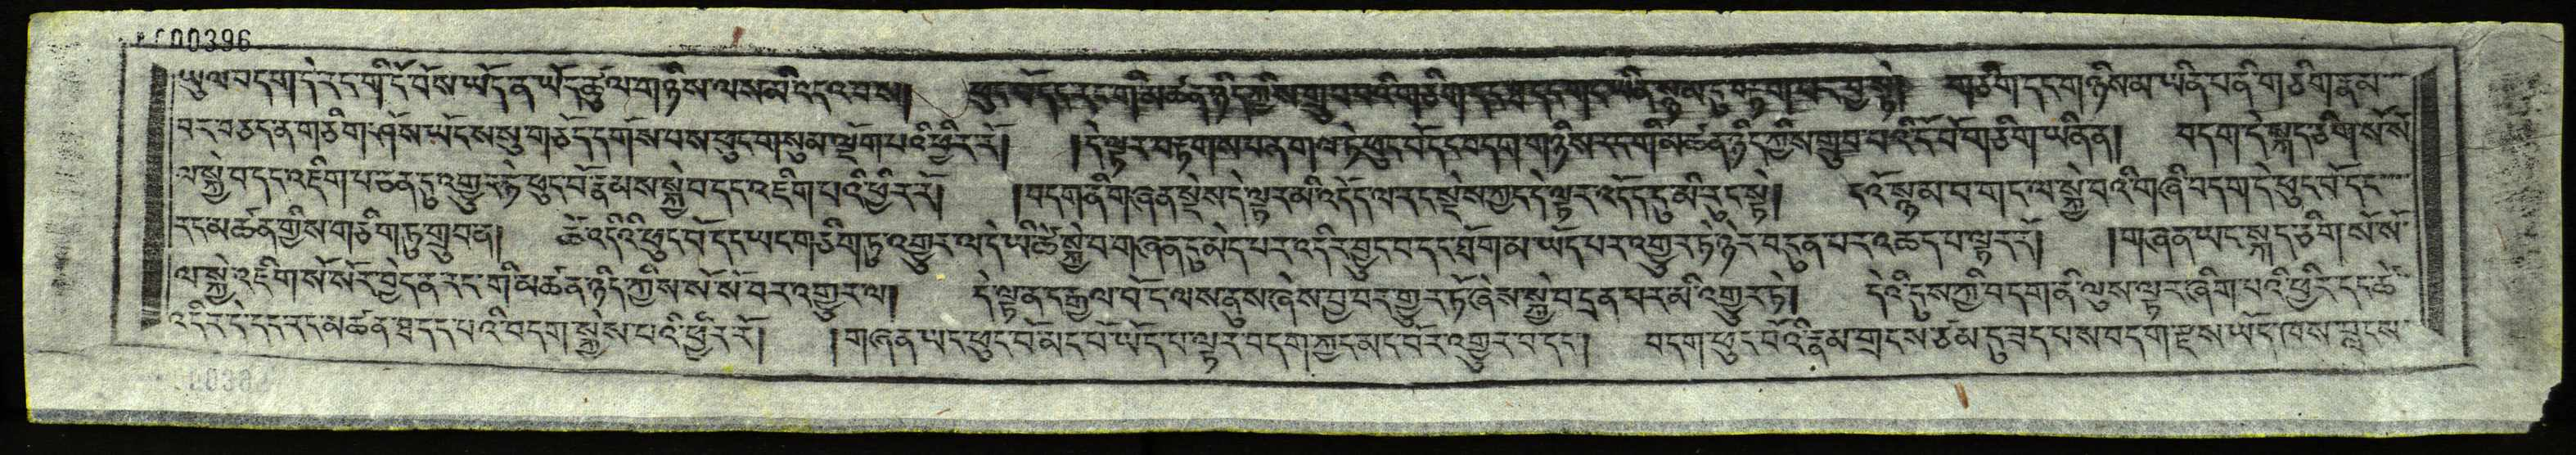ཡུལ་བདག་དེ་རང་གི་ངོ་བོས་ཡོད་ན་ཡོད་ཚུལ་གཉིས་ལས་མི་འདའ་བས། ཕུང་པོ་དང་རང་གི་མཚན་ཉིད་ཀྱིས་གྲུབ་པའི་གཅིག་དང་ཐ་དད་གང་ཡིན་སྙམ་དུ་བརྟག་པར་བྱ་སྟེ། གཅིག་དང་གཉིས་མ་ཡིན་པ་ནི་གཅིག་རྣམ་
བར་བཅད་ན་གཅིག་ཤོས་ཡོངས་སུ་གཅོད་དགོས་པས་ཕུང་གསུམ་ལྡོག་པའི་ཕྱིར་རོ། །དེ་ལྟར་བརྟགས་པ་ན་གལ་ཏེ་ཕུང་པོ་དང་བདག་གཉིས་རང་གི་མཚན་ཉིད་ཀྱིས་གྲུབ་པའི་ངོ་བོ་གཅིག་ཡིན་ན། བདག་དེ་སྐད་ཅིག་སོ་སོ་
ལ་སྐྱེ་བ་དང་འཇིག་པ་ཅན་དུ་འགྱུར་ཏེ་ཕུང་པོ་རྣམས་སྐྱེ་བ་དང་འཇིག་པའི་ཕྱིར་རོ། །བདག་ནི་གཞན་སྡེས་དེ་ལྟར་མི་འདོད་ལ་རང་སྡེས་ཀྱང་དེ་ལྟར་འདོད་དུ་མི་རུང་སྟེ། ངའོ་སྙམ་པ་གང་ལ་སྐྱེ་བའི་གཞི་བདག་དེ་ཕུང་པོ་དང་
རང་མཚན་གྱིས་གཅིག་ཏུ་གྲུབ་ན། ཚེ་འདིའི་ཕུང་པོ་དང་ཡང་གཅིག་ཏུ་འགྱུར་ཡང་དེ་ཡི་ཚེ་སྐྱེ་བ་གཞན་དུ་མེད་པར་འདིར་བྱུང་བ་དང་ཐོག་མ་ཡོད་པར་འགྱུར་ཏེ་ཉེར་བདུན་པར་འཆད་པ་ལྟར་རོ། །གཞན་ཡང་སྐད་ཅིག་སོ་སོ་
ལ་སྐྱེ་འཇིག་སོ་སོར་བྱེད་ན་རང་གི་མཚན་ཉིད་ཀྱི་སོ་སོ་བར་འགྱུར་ལ། དེ་ལྟ་ན་ང་རྒྱལ་བོ་ང་ལས་ནུས་ཞེས་བྱ་བར་གྱུར་ཏོ་ཞེས་སྐྱེ་བ་དྲན་པར་མི་འགྱུར་ཏེ། དེའི་དུས་ཀྱི་བདག་ནི་ལུས་ལྟར་ཞིག་པའི་ཕྱིར་དང་ཚེ་
འདིར་དེ་དང་རང་མཚན་ཐ་དད་པའི་བདག་སྐྱེས་པའི་ཕྱིར་རོ། །གཞན་ཡང་ཕུང་པོ་མང་པོ་ཡོད་པ་ལྟར་བདག་ཀྱང་མང་པོར་འགྱུར་བ་དང་། བདག་ཕུང་པོའི་རྣམ་གྲངས་ཙམ་དུ་ཟད་པས་བདག་རྫས་ཡོད་ཁས་བླངས་